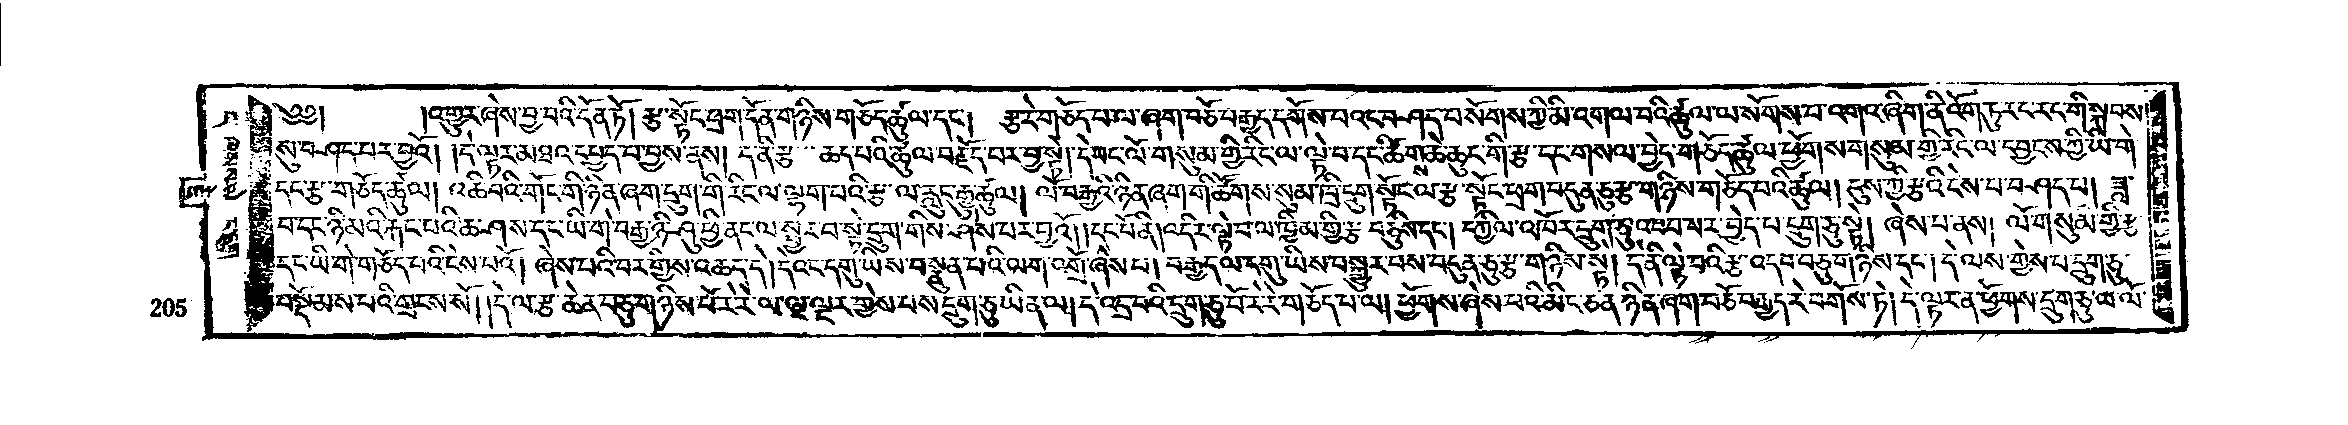༄༅། །འགྱུར་ཞེས་བྱ་བའི་དོན་ཏོ། རྩ་སྟོང་ཕྲག་དོན་གཉིས་གཅོད་ཚུལ་དང་། རྩ་རེ་གཅོད་པ་ལ་ཞག་བཅོ་བརྒྱད་དགོས་པའང་བཤད་པ་སོགས་ཀྱི་མི་འགལ་བའི་ཚུལ་ལ་སོགས་པ་འགའ་ཞིག་ནི་འོག་ཏུ་རང་རང་གི་སྐབས་
སུ་བཤད་པར་བྱའོ། །དེ་ལྟར་མཐའ་དཔྱད་པ་བྱས་ནས། ད་ནི་རྩ་ཆད་པའི་ཚུལ་བརྗོད་པར་བྱ་སྟེ། དེ་ཡང་ལོ་གསུམ་གྱི་རིང་ལ་ལྟེ་བ་དང་ཚིགས་ཆེ་ཆུང་གི་རྩ་དང་གསལ་བྱེད་གཅོད་ཚུལ་ཕྱོགས་གསུམ་གྱི་རིང་ལ་དབྱངས་ཀྱི་ཡི་གེ་
དང་རྩ་གཅོད་ཚུལ། འཆི་བའི་གོང་གི་ཉིན་ཞག་དྲུག་གི་རིང་ལ་ལྷག་པའི་རྩ་ལ་རླུང་རྒྱུ་ཚུལ། ལོ་བརྒྱའི་ཉིན་ཞག་གི་ཚོགས་སུམ་ཁྲི་དྲུག་སྟོང་ལ་རྩ་སྟོང་ཕྲག་བདུན་ཅུ་རྩ་གཉིས་གཅོད་པའི་ཚུལ། དུས་ཀྱི་རྩའི་ངེས་པ་བཤད་པ། ཟླ་
བ་དང་ཉི་མའི་རྐང་བའི་ཆ་ཤས་དང་ཡི་གེ་བརྒྱ་ཉི་ཤུ་ཕྱི་ནང་ལ་སྦྱར་བ་སྟེ་དྲུག་གིས་ཤེས་པར་བྱའོ། །དང་པོ་ནི། འདིར་ལྟེ་བ་ལ་ཁྱིམ་གྱི་རྩ་བཅུ་གཉིས་དང་། དཀྱིལ་འཁོར་དྲུག་ཅུ་འབབ་པར་བྱེད་པ་དྲུག་ཅུ་སྟེ། ཞེས་པ་ནས། ལོ་གསུམ་གྱི་རྩ་
དང་ཡི་གེ་གཅོད་པའི་ངེས་པའོ། ཞེས་པའི་བར་གྱིས་འཆད་དེ། དེའང་དགུ་ཡིས་བསྣུན་པའི་ལག་འགྲོ་ཞེས་པ། བརྒྱད་ལ་དགུ་ཡིས་བསྒྱུར་བས་བདུན་ཅུ་རྩ་གཉིས་སྟེ། དེ་ནི་ལྟེ་བའི་རྩ་འདབ་བཅུ་གཉིས་དང་། དེ་ལས་གྱེས་པ་དྲུག་ཅུ་
བསྡོམས་པའི་གྲངས་སོ། །དེ་ལ་རྩ་ཆེན་བཅུ་གཉིས་པོ་རེ་རེ་ལ་ལྔ་ལྔར་གྱེས་པས་དྲུག་ཅུ་ཡིན་ལ། དེ་འདྲ་བའི་དྲུག་ཅུ་པོ་རེ་རེ་གཅོད་པ་ལ། ཕྱོགས་ཞེས་པའི་མིང་ཅན་ཉིན་ཞག་བཅོ་བརྒྱད་རེ་བགོས་ཏེ། དེ་ལྟར་ན་ཕྱོགས་དྲུག་ཅུ་ལ་ལོ་